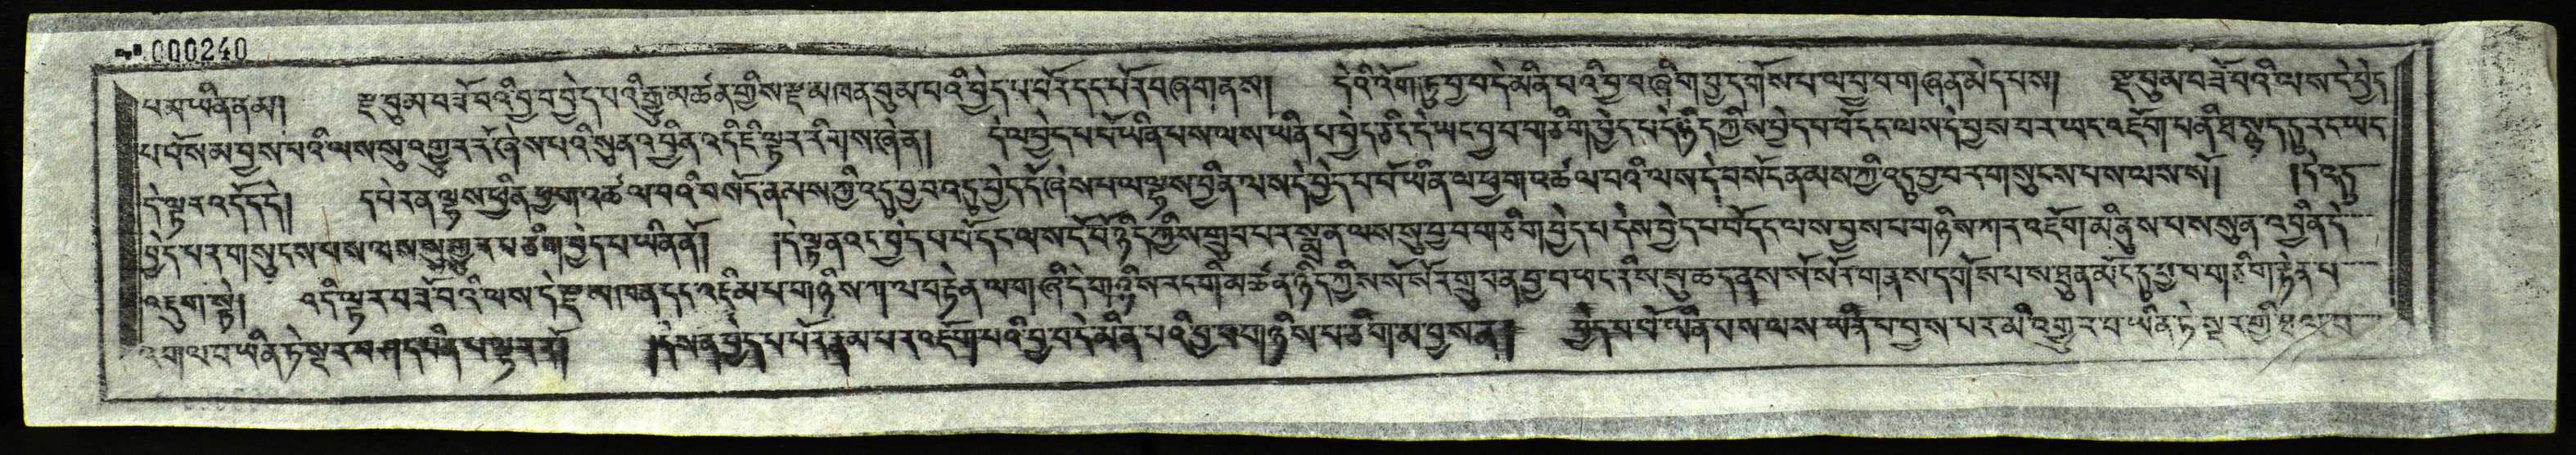པ་མ་ཡིན་ནམ། རྫ་བུམ་བཟོ་བའི་བྱ་བ་བྱེད་པའི་རྒྱུ་མཚན་གྱིས་རྫ་མཁན་བུམ་པའི་བྱེད་པ་པོར་དང་པོར་བཞག་ནས། དེའི་འོག་ཏུ་བྱ་བ་དེ་མིན་པའི་བྱ་བ་ཞིག་བྱ་དགོས་པ་ལ་བྱ་བ་གཞན་མེད་པས། རྫ་བུམ་བཟོ་བའི་ལས་དེ་བྱེད་
པ་བོས་མ་བྱས་པའི་ལས་སུ་འགྱུར་རོ་ཞེས་པའི་སུན་འབྱིན་འདི་ཇི་ལྟར་རིགས་ཞེ་ན། དེ་ལ་བྱེད་པ་པོ་ཡིན་པས་ལས་ཡིན་པ་བྱེད་ཅིང་དེ་ཡང་བྱ་བ་གཅིག་བྱེད་པ་དེ་ཉིད་ཀྱིས་བྱེད་པ་པོ་དང་ལས་དེ་བྱས་པར་ཡང་འཇོག་པ་ནི་ཐ་སྙད་དུ་རང་ཡང་
དེ་ལྟར་འདོད་དེ། དཔེར་ན་ལྷས་ཕྱིན་ཕྱག་འཚལ་བའི་བསོད་ནམས་ཀྱི་འདུ་བྱ་བ་འདུ་བྱེད་དོ་ཞེས་པ་ལ་ལྷས་བྱིན་ལས་དེ་བྱེད་པ་པོ་ཡིན་ལ་ཕྱག་འཚལ་བའི་ལས་དེ་བསོད་ནམས་ཀྱི་འདུ་བྱ་བར་གསུངས་པས་ལས་སོ། །དེ་འདུ་
བྱེད་པར་གསུངས་པས་ལས་སུ་གྱུར་པ་ཅིག་བྱེད་པ་ཡིན་ནོ། །དེ་ལྟ་ནའང་བྱེད་པ་པོ་དང་ལས་ངོ་བོ་ཉིད་ཀྱིས་གྲུབ་པར་སྨྲ་ན་ལས་སུ་བྱ་བ་གཅིག་བྱེད་པ་དེས་བྱེད་པ་པོ་དང་ལས་བྱས་པ་གཉིས་ཀར་འཇོག་མི་ནུས་པས་སུན་འབྱིན་དེ་
འཇུག་སྟེ། འདི་ལྟར་བཟོ་བའི་ལས་དེ་རྫ་མཁན་དང་འཇིམ་པ་གཉིས་ཀ་ལ་བརྟེན་ལ་གཞི་དེ་གཉིས་རང་གི་མཚན་ཉིད་ཀྱིས་སོ་སོར་གྲུབ་ན་བྱ་བ་ཡང་རིས་སུ་ཆད་ནས་སོ་སོར་གནས་དགོས་པས་ཐུན་མོང་དུ་བྱ་བ་གཅིག་རྟེན་པ་
འགལ་བ་ཡིན་ཏེ་སྔར་བཤད་ཟིན་པ་ལྟར་རོ། །དེས་ན་བྱེད་པ་པོར་རྣམ་པར་འཇོག་པའི་བྱ་བ་དེ་མིན་པའི་བྱ་བ་གཉིས་པ་ཅིག་མ་བྱས་ན། བྱེད་པ་པོ་ཡིན་པས་ལས་ཡིན་པ་བྱས་པར་མི་འགྱུར་བ་ཡིན་ཏེ་སྔར་གྱི་ཐལ་བ་